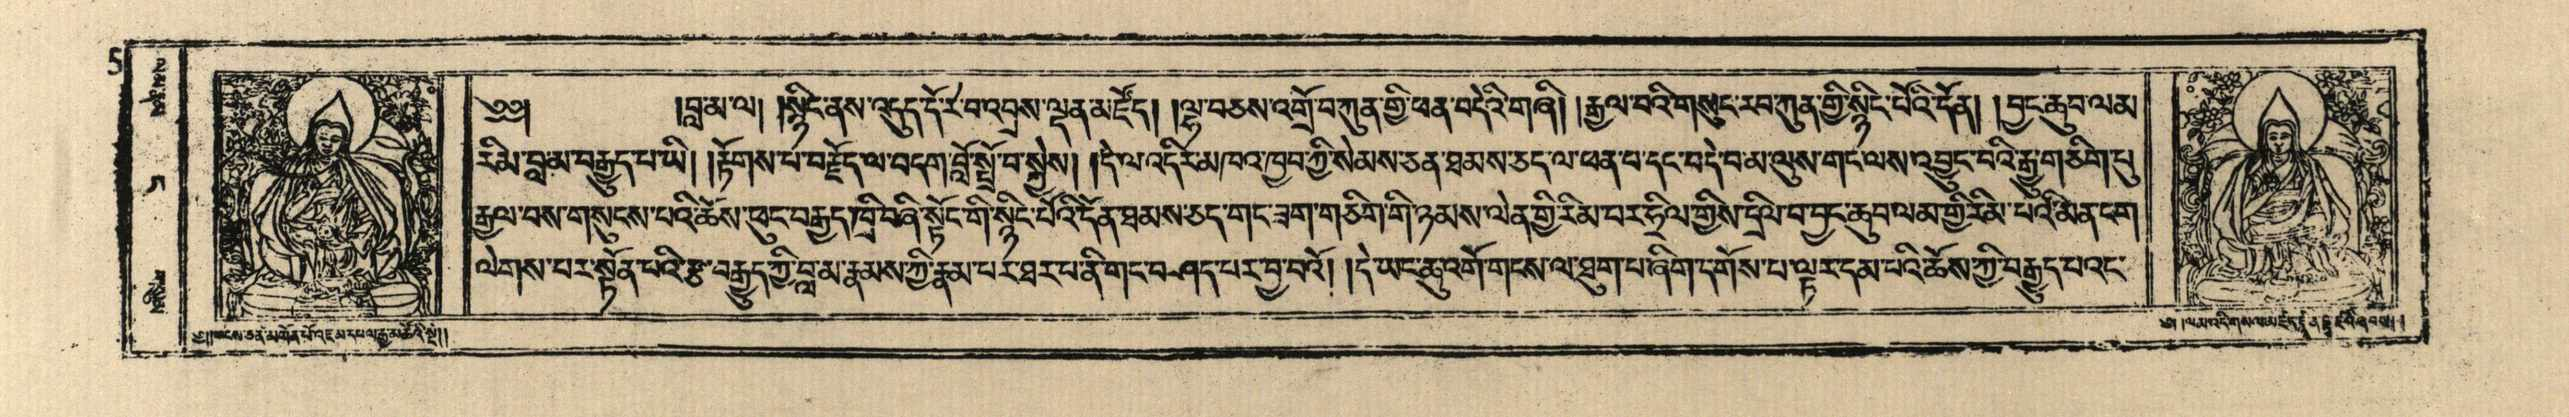༄༅། །བླ་མ་ལ། །སྙིང་ནས་འདུད་དོ་རབ་འབྲས་ལྡན་མཛོད། །ལྷ་བཅས་འགྲོ་བ་ཀུན་གྱི་ཕན་བདེའི་གཞི། །རྒྱལ་བའི་གསུང་རབ་ཀུན་གྱི་སྙིང་པོའི་དོན། །བྱང་ཆུབ་ལམ་
རིམ་བླ་མ་བརྒྱུད་པ་ཡི། །རྟོགས་པ་བརྗོད་ལ་བདག་བློ་སྤྲོ་བ་སྐྱེས། །དེ་ལ་འདིར་མཁའ་ཁྱབ་ཀྱི་སེམས་ཅན་ཐམས་ཅད་ལ་ཕན་པ་དང་བདེ་བ་མ་ལུས་གང་ལས་འབྱུང་བའི་རྒྱུ་གཅིག་པུ་
རྒྱལ་བས་གསུངས་པའི་ཆོས་ཕུང་བརྒྱད་ཁྲི་བཞི་སྟོང་གི་སྙིང་པོའི་དོན་ཐམས་ཅད་གང་ཟག་གཅིག་གི་ཉམས་ལེན་གྱི་རིམ་པར་ཧྲིལ་གྱིས་དྲིལ་བ་བྱང་ཆུབ་ལམ་གྱི་རིམ་པའི་མན་ངག་
ལེགས་པར་སྟོན་པའི་རྩ་བརྒྱུད་ཀྱི་བླ་མ་རྣམས་ཀྱི་རྣམ་པར་ཐར་པ་ནི་གང་བཤད་པར་བྱ་བའོ། །དེ་ཡང་ཆུ་འགོ་གངས་ལ་ཐུག་པ་ཞིག་དགོས་པ་ལྟར་དམ་པའི་ཆོས་ཀྱི་བརྒྱུད་པའང་